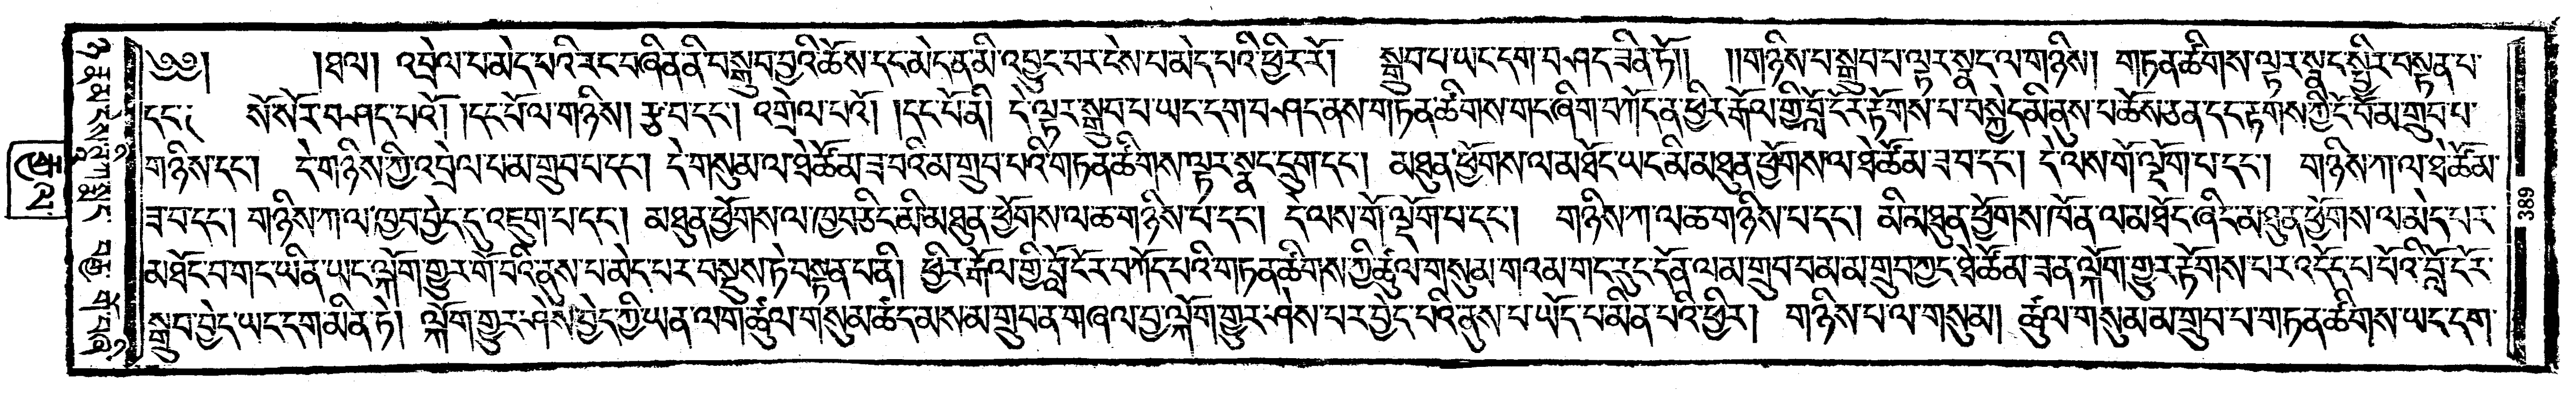༄༅། །ཐལ། འབྲེལ་པ་མེད་པའི་རང་བཞིན་ནི་བསྒྲུབ་བྱའི་ཆོས་དང་མེད་ན་མི་འབྱུང་བར་ངེས་པ་མེད་པའི་ཕྱིར་རོ། སྒྲུབ་པ་ཡང་དག་བཤད་ཟིན་ཏོ།། །།གཉིས་པ་སྒྲུབ་པ་ལྟར་སྣང་ལ་གཉིས། གཏན་ཚིགས་ལྟར་སྣང་སྤྱིར་བསྟན་པ་
དང༑ སོ་སོར་བཤད་པའོ། །དང་པོ་ལ་གཉིས། རྩ་བ་དང་། འགྲེལ་པའོ། །དང་པོ་ནི། དེ་ལྟར་སྒྲུབ་པ་ཡང་དག་བཤད་ནས་གཏན་ཚིགས་གང་ཞིག་བཀོད་ན་ཕྱིར་རྒོལ་གྱི་བློ་ངོར་རྟོགས་པ་བསྐྱེད་མི་ནུས་པ་ཆོས་ཅན་དང་རྟགས་ཀྱི་ངོ་བོ་མ་གྲུབ་པ་
གཉིས་དང་། དེ་གཉིས་ཀྱི་འབྲེལ་པ་མ་གྲུབ་པ་དང་། དེ་གསུམ་ལ་ཐེ་ཚོམ་ཟ་བའི་མ་གྲུབ་པའི་གཏན་ཚིགས་ལྟར་སྣང་དྲུག་དང་། མཐུན་ཕྱོགས་ལ་མཐོང་ཡང་མི་མཐུན་ཕྱོགས་ལ་ཐེ་ཚོམ་ཟ་བ་དང་། དེ་ལས་གོ་ལྡོག་པ་དང་། གཉིས་ཀ་ལ་ཐེ་ཚོམ་
ཟ་བ་དང་། གཉིས་ཀ་ལ་ཁྱབ་བྱེད་དུ་འཇུག་པ་དང་། མཐུན་ཕྱོགས་ལ་ཁྱབ་ཅིང་མི་མཐུན་ཕྱོགས་ལ་ཆ་གཉིས་པ་དང་། དེ་ལས་གོ་ལྡོག་པ་དང་། གཉིས་ཀ་ལ་ཆ་གཉིས་པ་དང་། མི་མཐུན་ཕྱོགས་ཁོ་ན་ལ་མཐོང་ཞིང་མཐུན་ཕྱོགས་ལ་མེད་པར་
མཐོང་བ་གང་ཡིན་ཡང་ལྐོག་གྱུར་གོ་བའི་ནུས་པ་མེད་པར་བསྡུས་ཏེ་བསྟན་པ་ནི། ཕྱིར་རྒོལ་གྱི་བློ་ངོར་བཀོད་པའི་གཏན་ཚིགས་ཀྱི་ཚུལ་གསུམ་གའམ་གང་རུང་དོན་ལམ་གྲུབ་བམ་མ་གྲུབ་ཀྱང་ཐེ་ཚོམ་ཟ་ན་ལྐོག་གྱུར་རྟོགས་པར་འདོད་པ་པོའི་བློ་ངོར་
སྒྲུབ་བྱེད་ཡང་དག་མིན་ཏེ། ལྐོག་གྱུར་ཤེས་བྱེད་ཀྱི་ཡན་ལག་ཚུལ་གསུམ་ཚད་མས་མ་གྲུབ་ན་གཞལ་བྱ་ལྐོག་གྱུར་ཤེས་པར་བྱེད་པའི་ནུས་པ་ཡོད་པ་མིན་པའི་ཕྱིར། གཉིས་པ་ལ་གསུམ། ཚུལ་གསུམ་མ་གྲུབ་པ་གཏན་ཚིགས་ཡང་དག་